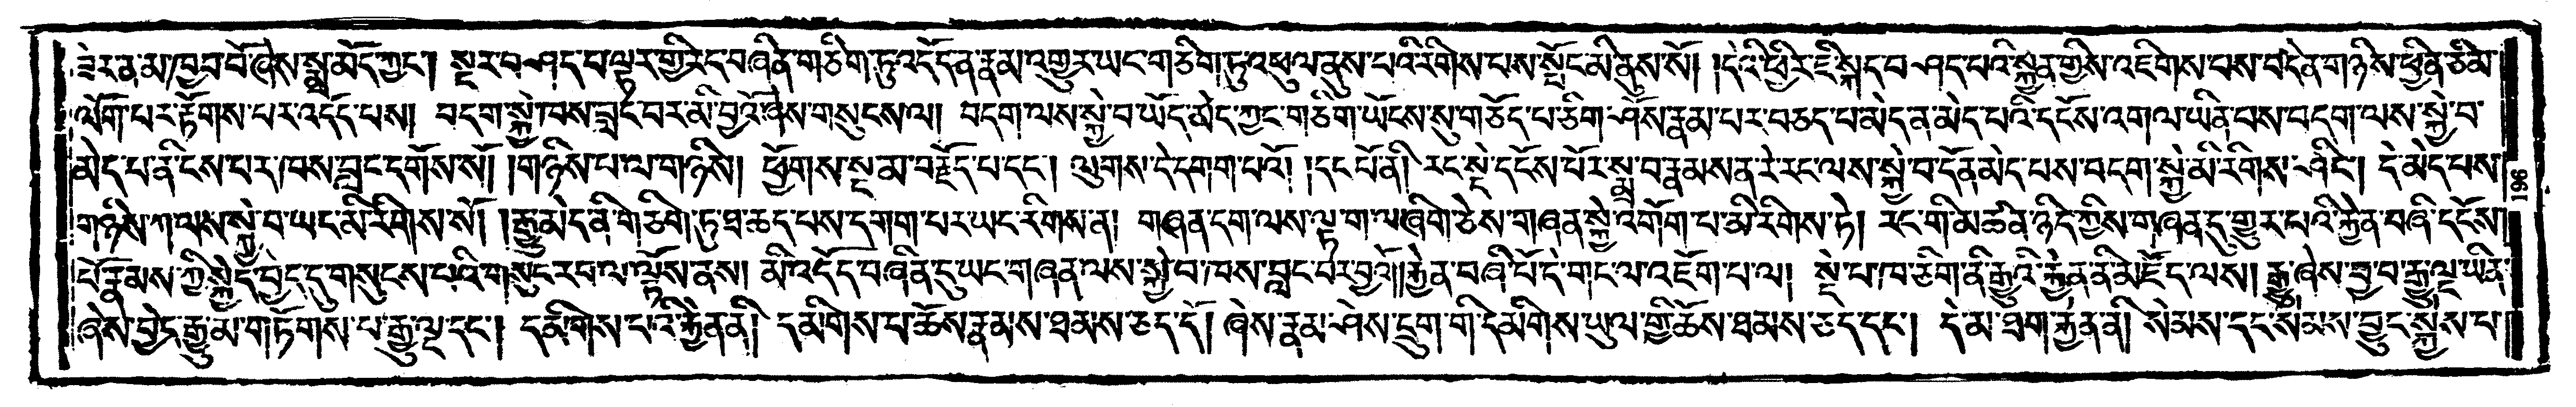ཟེར་ན་མ་ཁྱབ་བོ་ཞེས་སྨྲ་མོད་ཀྱང་། སྔར་བཤད་པ་ལྟར་གྱི་རང་བཞིན་གཅིག་ཏུ་འདོད་ན་རྣམ་འགྱུར་ཡང་གཅིག་ཏུ་འཕུལ་ནུས་པའི་རིགས་པས་སྤོང་མི་ནུས་སོ། །དེའི་ཕྱིར་ཇི་སྐད་བཤད་པའི་སྐྱོན་གྱིས་འཇིགས་པས་བདེན་གཉིས་ཕྱིན་ཅི་མ་
ལོག་པར་རྟོགས་པར་འདོད་པས། བདག་སྐྱེ་ཁས་བླང་བར་མི་བྱའོ་ཞེས་གསུངས་ལ། བདག་ལས་སྐྱེ་བ་ཡོད་མེད་ཀྱང་གཅིག་ཡོངས་སུ་གཅོད་པ་ཅིག་ཤོས་རྣམ་པར་བཅད་པ་མེད་ན་མེད་པའི་དངོས་འགལ་ཡིན་པས་བདག་ལས་སྐྱེ་བ་
མེད་པ་ནི་ངེས་པར་ཁས་བླངས་གོས་སོ། །གཉིས་པ་ལ་གཉིས། ཕྱོགས་སྔ་མ་བརྗོད་པ་དང་། ལུགས་དེ་དགག་བའོ། །དང་པོ་ནི། རང་སྡེ་དངོས་པོར་སྨྲ་བ་རྣམས་ན་རེ་རང་ལས་སྐྱེ་བ་དོན་མེད་པས་བདག་སྐྱེ་མི་རིགས་ཤིང་། དེ་མེད་པས་
གཉིས་ཀ་ལས་སྐྱེ་བ་ཡང་མི་རིགས་སོ། །རྒྱུ་མེད་ནི་གཅིག་ཏུ་ཐ་ཆད་པས་དགག་པར་ཡང་རིགས་ན། གཞན་དག་ལས་ལྟ་ག་ལ་ཞིག་ཅེས་གཞན་སྐྱེ་འགོག་པ་མི་རིགས་ཏེ། རང་གི་མཚན་ཉིད་ཀྱིས་གཞན་དུ་གྱུར་བའི་རྐྱེན་བཞི་དངོས་
པོ་རྣམས་ཀྱི་སྐྱེད་བྱེད་དུ་གསུངས་པའི་གསུང་རབ་ལ་ལྟོས་ནས། མི་འདོད་བཞིན་དུ་ཡང་གཞན་ལས་སྐྱེ་བ་ཁས་བླང་བར་བྱའོ། །རྐྱེན་བཞི་པོ་དེ་གང་ལ་འཇོག་པ་ལ། སྡེ་པ་ཁ་ཅིག་ནི་རྒྱུའི་རྐྱེན་ནི་མཛོད་ལས། རྒྱུ་ཞེས་བྱ་བ་རྒྱུ་ལྔ་ཡིན་
ཞེས་བྱེད་རྒྱུ་མ་གཏོགས་པ་རྒྱུ་ལྔ་དང་། དམིགས་པའི་རྐྱེན་ནི། དམིགས་པ་ཆོས་རྣམས་ཐམས་ཅད་དོ། ཞེས་རྣམ་ཤེས་དྲུག་གི་དམིགས་ཡུལ་གྱི་ཆོས་ཐམས་ཅད་དང་། དེ་མ་ཐག་རྐྱེན་ནི། སེམས་དང་སེམས་བྱུང་སྐྱེས་པ་